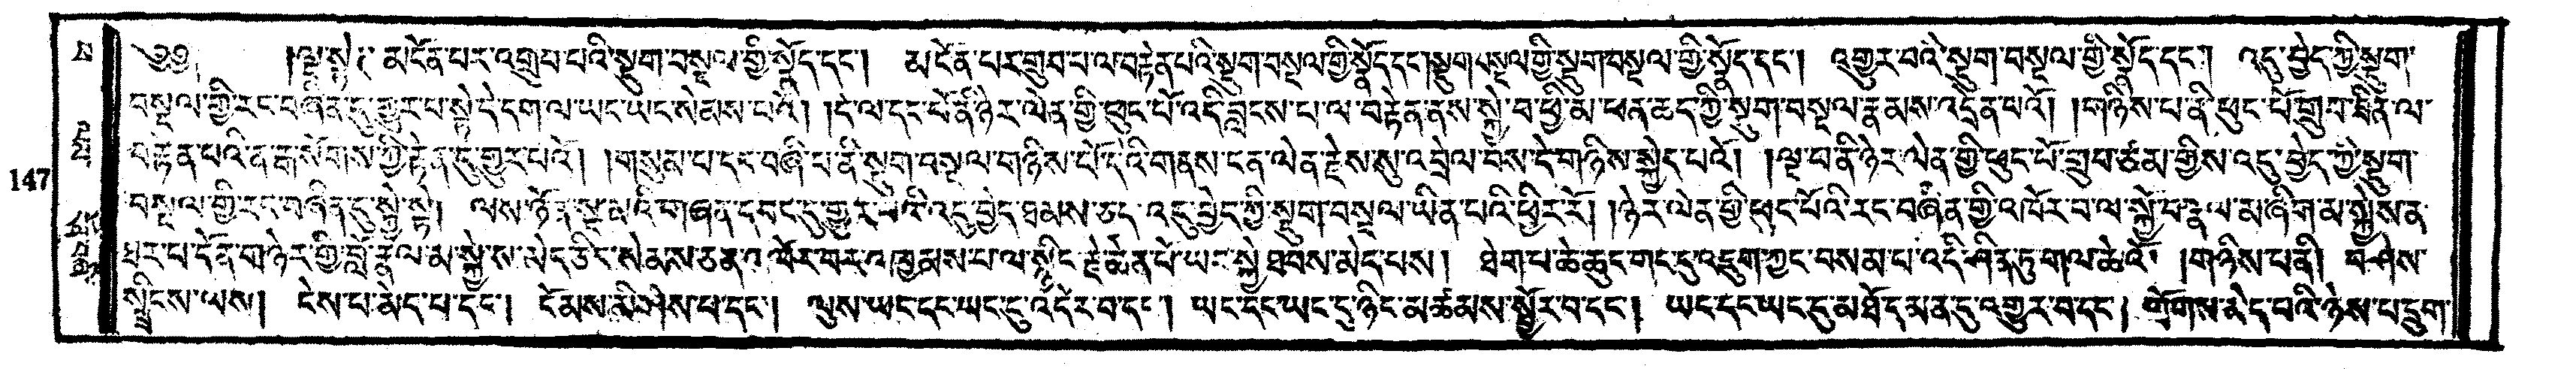༄༅། །ལྔ་སྟེ༑ མངོན་པར་འགྲུབ་པའི་སྡུག་བསྔལ་གྱི་སྣོད་དང་། མངོན་པར་གྲུབ་པ་ལ་བརྟེན་པའི་སྡུག་བསྔལ་གྱི་སྣོད་དང་། སྡུག་བསྔལ་གྱི་སྡུག་བསྔལ་གྱི་སྣོད་དང་། འགྱུར་བའི་སྡུག་བསྔལ་གྱི་སྣོད་དང་། འདུ་བྱེད་ཀྱི་སྡུག་
བསྔལ་གྱི་རང་བཞིན་དུ་གྱུར་པ་སྟེ་དེ་དག་ལ་ཡང་ཡང་སེམས་པའི། །དེ་ལ་དང་པོ་ནི་ཉེར་ལེན་གྱི་ཕུང་པོ་འདི་བླངས་པ་ལ་བརྟེན་ནས་སྐྱེ་བ་ཕྱི་མ་ཕན་ཆད་ཀྱི་སྡུག་བསྔལ་རྣམས་འདྲེན་ལའོ། །གཉིས་པ་ནི་ཕུང་པོ་གྲུབ་ཟིན་ལ་
བརྟེན་པའི་ན་རྒ་སོགས་ཀྱི་རྟེན་དུ་གྱུར་པའོ། །གསུམ་པ་དང་བཞི་པ་ནི་སྡུག་བསྔལ་གཉིས་པོ་དེའི་གནས་ངན་ལེན་རྗེས་སུ་འབྲེལ་བས་དེ་གཉིས་སྐྱེད་པའོ། །ལྔ་བ་ནི་ཉེར་ལེན་གྱི་ཕུང་པོ་གྲུབ་ཙམ་གྱིས་འདུ་བྱེད་ཀྱི་སྡུག་
བསྔལ་གྱི་རང་བཞིན་དུ་སྐྱེ་སྟེ། ལས་ཉོན་སྔ་མའི་གཞན་དབང་དུ་གྱུར་པའི་འདུ་བྱེད་ཐམས་ཅད་འདུ་བྱེད་ཀྱི་སྡུག་བསྔལ་ཡིན་པའི་ཕྱིར་རོ། །ཉེར་ལེན་གྱི་ཕུང་པོའི་རང་བཞིན་གྱི་འཁོར་བ་ལ་སྐྱོ་བ་རྣལ་མ་ཞིག་མ་སྐྱེས་ན་
ཐར་པ་དོན་གཉེར་གྱི་བློ་རྣལ་མ་སྐྱེ་ས་མེད་ཅིང་སེམས་ཅན་འཁོར་བར་འཁྱམས་པ་ལ་སྙིང་རྗེ་ཆེན་པོ་ཡང་སྐྱེ་ཐབས་མེད་པས། ཐེག་པ་ཆེ་ཆུང་གང་དུ་འཇུག་ཀྱང་བསམ་པ་འདི་ཤིན་ཏུ་གལ་ཆེའོ། །གཉིས་པ་ནི། བཤེས་
སྦྲིངས་ལས། ངེས་པ་མེད་པ་དང་། ངོམས་མི་ཤེས་པ་དང་། ལུས་ཡང་དང་ཡང་དུ་འདེར་བ་དང་། ཡང་དང་ཡང་དུ་ཉིང་མཚམས་སྦྱོར་བ་དང་། ཡང་དང་ཡང་དུ་མཐོ་དམན་དུ་འགྱུར་བ་དང་། གྲོགས་མེད་པའི་ཉེས་པ་དྲུག་